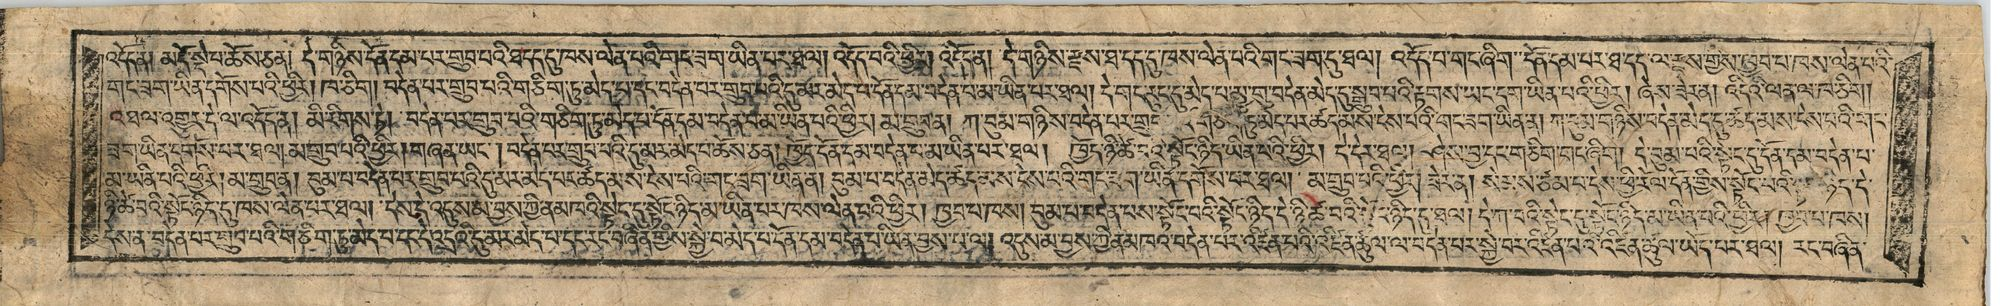འདོད་ན། མདོ་སྡེ་པ་ཆོས་ཅན། དེ་གཉིས་དོན་དམ་པར་གྲུབ་པའི་ཐ་དད་དུ་ཁས་ལེན་པའི་གང་ཟག་ཡིན་པར་ཐལ། འདོད་པའི་ཕྱིར། འདོད་ན། དེ་གཉིས་རྫས་ཐ་དད་དུ་ཁས་ལེན་པའི་གང་ཟག་དུ་ཐལ། འདོད་པ་གང་ཞིག ། ?་དོན་དམ་པར་ཐ་དད་ལ་རྫས་ཀྱིས་ཁྱབ་པ་ཁས་ལེན་པའི་
གང་ཟག་ཡིན་དགོས་པའི་ཕྱིར། ཁ་ཅིག ། བདེན་པར་གྲུབ་པའི་གཅིག་ཏུ་མེད་པ་དང་བདེན་པར་གྲུབ་པའི་དུ་མར་མེད་པ་དོན་དམ་བདེན་པ་མ་ཡིན་པར་ཐལ། དེ་གང་རུང་དུ་མེད་པ་མྱུ་གུ་བདེན་མེད་དུ་སྒྲུབ་པའི་རྟགས་ཡང་དག་ཡིན་པའི་ཕྱིར། ཞེས་ཟེར་ན། འདིའི་ལན་ལ་ཁ་ཅིག །
ཐལ་འགྱུར་དེ་ལ་འདོད་ན། མི་རིགས་ཏེ། བདེན་པར་གྲུབ་པའི་གཅིག་ཏུ་མེད་པ་དོན་དམ་བདེན་པ་མ་ཡིན་པའི་ཕྱིར། མ་གྲུབ་ན། ཀ་བུམ་གཉིས་བདེན་པར་གྲུབ་པའི་གཅིག་ཏུ་མེད་པར་ཚད་མས་ངེས་པའི་གང་ཟག་ཡིན་ན། ཀ་བུམ་གཉིས་བདེན་མེད་དུ་ཚད་མས་ངེས་པའི་གང་
ཟག་ཡིན་དགོས་པར་ཐལ། མ་གྲུབ་པའི་ཕྱིར། གཞན་ཡང་། བདེན་པར་གྲུབ་པའི་དུ་མར་མེད་པ་ཆོས་ཅན། ཁྱོད་དོན་དམ་བདེན་པ་མ་ཡིན་པར་ཐལ། ཁྱོད་ཉི་ཚེ་བའི་སྟོང་ཉིད་ཡིན་པའི་ཕྱིར། དེ་དེར་ཐལ། ཤེས་བྱ་དང་གཅིག་གང་ཞིག ། དེ་བུམ་པའི་སྟེང་དུ་དོན་དམ་བདེན་པ་
མ་ཡིན་པའི་ཕྱིར། མ་གྲུབ་ན། བུམ་པ་བདེན་པར་གྲུབ་པའི་དུ་མར་མེད་པར་ཚད་མས་ངེས་པའི་གང་ཟག་ཡིན་ན། བུམ་པ་བདེན་མེད་ཚད་མས་ངེས་པའི་གང་ཟག་ཡིན་དགོས་པར་ཐལ། མ་གྲུབ་པའི་ཕྱིར། ཟེར་ན། སེམས་ཙམ་པ་དེས་ཕྱི་རོལ་དོན་གྱིས་སྟོང་པའི་སྟོང་ཉིད་དེ་
ཉི་ཚེ་བའི་སྟོང་ཉིད་དུ་ཁས་ལེན་པར་ཐལ། དེས་དེ་འདུས་མ་བྱས་ཀྱི་ནམ་མཁའི་སྟེང་དུ་སྟོང་ཉིད་མ་ཡིན་པར་ཁས་ལེན་པའི་ཕྱིར། ཁྱབ་པ་ཁས། བུམ་པ་བདེན་པས་སྟོང་པའི་སྟོང་ཉིད་དེ་ཉི་ཚེ་བའི་སྟོང་ཉིད་དུ་ཐལ། དེ་ཀ་བའི་སྟེང་དུ་སྟོང་ཉིད་མ་ཡིན་པའི་ཕྱིར། ཁྱབ་པ་ཁས།
དེས་ན་བདེན་པར་གྲུབ་པའི་གཅིག་ཏུ་མེད་པ་དང་དེ་འདྲའི་དུ་མར་མེད་པ་དང་རང་བཞིན་གྱིས་སྐྱེ་བ་མེད་པ་དོན་དམ་བདེན་པ་ཡིན་བྱས་པ་ལ། འདུས་མ་བྱས་ཀྱི་ནམ་མཁའ་བདེན་པར་འཛིན་པའི་འཛིན་ཚུལ་ལ་བདེན་པར་སྐྱེ་བར་འཛིན་པའི་འཛིན་ཚུལ་ཡོད་པར་ཐལ། རང་བཞིན་